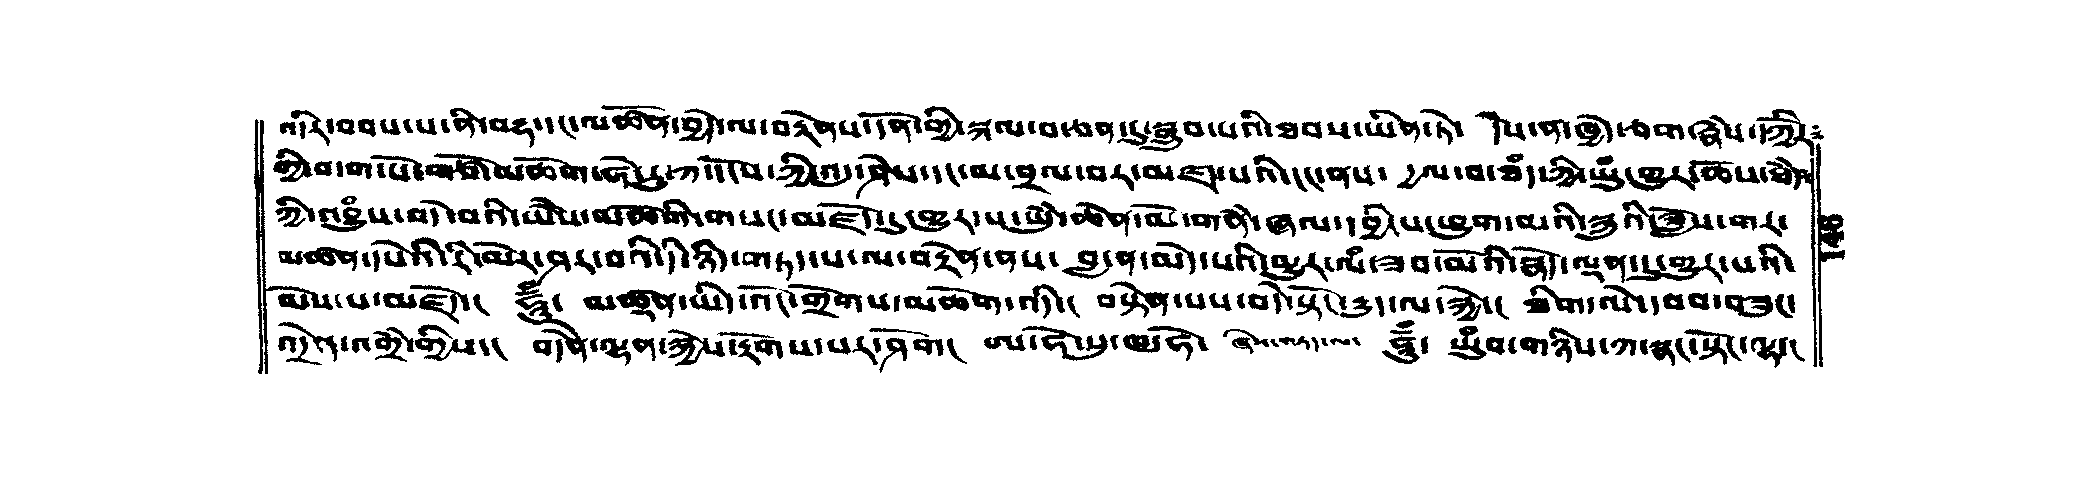འདིར་བབས་པ་ནི་བརྡ་དང་མཚོན་བྱེད་ལ་བརྟེན་ནས་དོན་གྱི་སྐལ་པ་ཅན་དུ་སྒྲུབ་པའི་ཐབས་ཡིན་ཏེ། དེས་ན་ཁྱེད་ཅག་རྣམས་དཀྱིལ་འཁོར་
གྱི་བདག་པོ་གཙོ་མཆག་ཧེ་རུ་ཀ་དངོས་ཀྱི་འདུ་ཤེས་དང་མ་བྲལ་བར་མཛད་པའི་ངང་ནས། རྒྱལ་བ་ཐམས་ཅད་ཀྱི་ཡུམ་གྱུར་ཆོས་ཐམས་ཅད་
ཀྱི་འབྱུང་གནས་བདེ་བའི་ཡེ་ཤེས་མཆོག་གི་གསང་མཛོད་དུ་གྱུར་པ་ཡུམ་ཆེན་མོ་གནམ་ཞལ་དབྱིངས་ཕྱུག་མའི་སྐུའི་ཟློས་གར་
མཚན་དཔེའི་ཤར་བའི་དེ་ཉིད་གཏད་པ་ལ་བརྟེན་ནས།བླ་ན་མེད་པའི་མྱུར་ལམ་ཟབ་མོའི་སྣོད་ལྡན་དུ་གྱུར་པའི་
མོས་པ་མཛོད། ཧཱུྃ། མཚན་ལྡན་ཡིད་འོང་གྲོགས་མཆོག་འདི། བསྟནེ་པས་བདེ་སྟོང་རྒྱུད་ལ་སྐྱེ། ཐིག་ལེ་དབབ་བཟུང་
འདྲེན་འགྲམ་གྱིས། བདེ་ཆེན་ལྷན་སྐྱེས་རྟོགས་པར་ཤོག ཨ་ཧོ་སུ་ཁ་ཧོ། ཞེས་གཏད་ལ། ཧཱུྃ། ཡབ་ཡུམ་གཉིས་ཀ་སྣང་སྟོང་ལྷ།